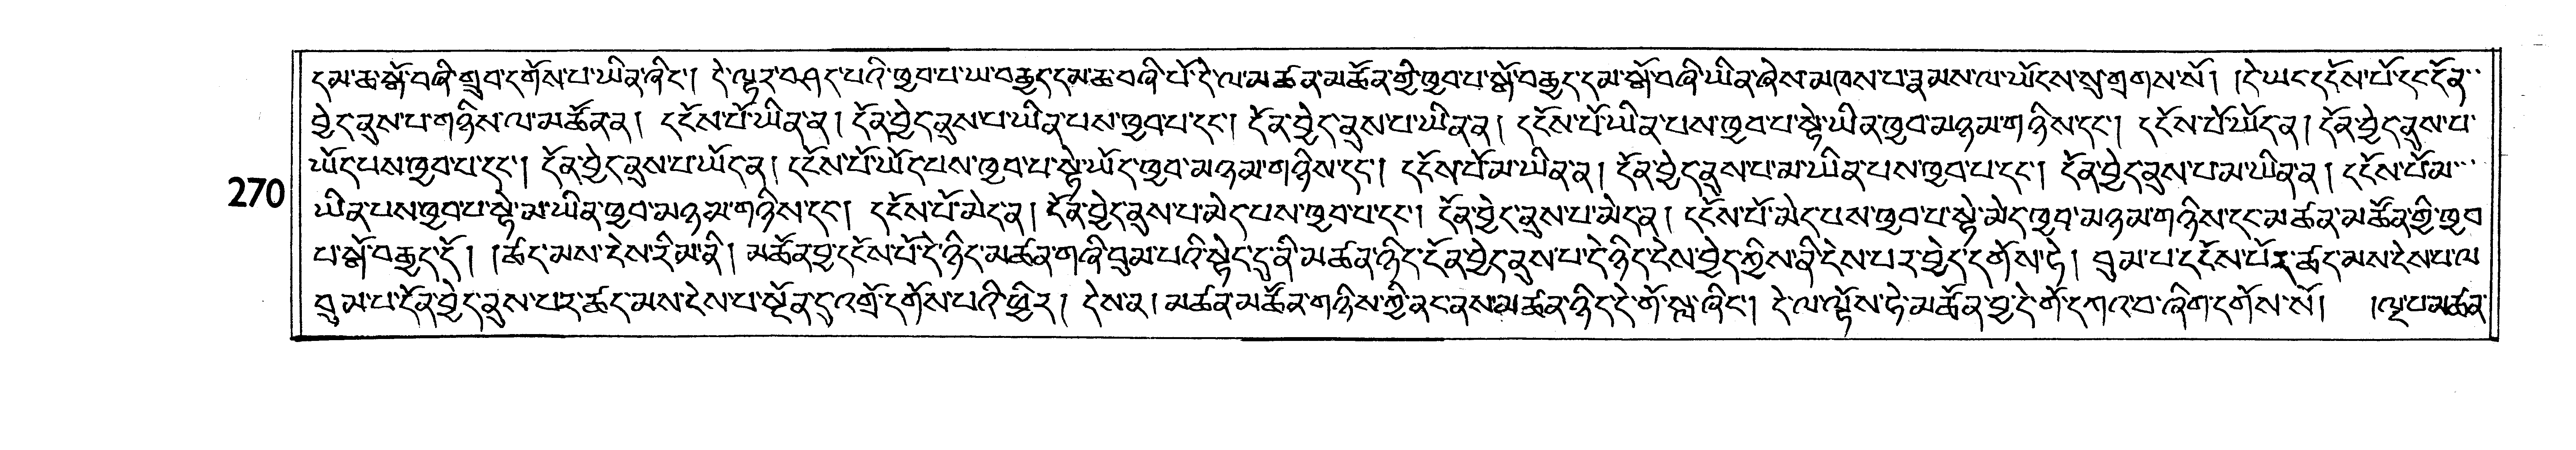དམ་ཆ་སྒོ་བཞི་གྲུབ་དགོས་པ་ཡིན་ཞིང་། དེ་ལྟར་བཤད་པའི་ཁྱབ་པ་ཡ་བརྒྱད་དམ་ཆ་བཞི་པོ་དེ་ལ་མཚན་མཚོན་གྱི་ཁྱབ་པ་སྒོ་བརྒྱད་དམ་སྒོ་བཞི་ཡིན་ཞེས་མཁས་པ་རྣམས་ལ་ཡོངས་སུ་གྲགས་སོ། །དེ་ཡང་དངོས་པོ་དང་དོན་
བྱེད་ནུས་པ་གཉིས་ལ་མཚོན་ན། དངོས་པོ་ཡིན་ན། དོན་བྱེད་ནུས་པ་ཡིན་པས་ཁྱབ་པ་དང་། དོན་བྱེད་ནུས་པ་ཡིན་ན། དངོས་པོ་ཡིན་པས་ཁྱབ་པ་སྟེ་ཡིན་ཁྱབ་མཉམ་གཉིས་དང་། དངོས་པོ་ཡོད་ན། དོན་བྱེད་ནུས་པ་
ཡོད་པས་ཁྱབ་པ་དང་། དོན་བྱེད་ནུས་པ་ཡོད་ན། དངོས་པོ་ཡོད་པས་ཁྱབ་པ་སྟེ་ཡོད་ཁྱབ་མཉམ་གཉིས་དང་། དངོས་པོ་མ་ཡིན་ན། དོན་བྱེད་ནུས་པ་མ་ཡིན་པས་ཁྱབ་པ་དང་། དོན་བྱེད་ནུས་པ་མ་ཡིན་ན། དངོས་པོ་མ་
ཡིན་པས་ཁྱབ་པ་སྟེ་མ་ཡིན་ཁྱབ་མཉམ་གཉིས་དང་། དངོས་པོ་མེད་ན། དོན་བྱེད་ནུས་པ་མེད་པས་ཁྱབ་པ་དང་། དོན་བྱེད་ནུས་པ་མེད་ན། དངོས་པོ་མེད་པས་ཁྱབ་པ་སྟེ་མེད་ཁྱབ་མཉམ་གཉིས་དང་མཚན་མཚོན་གྱི་ཁྱབ་
པ་སྒོ་བརྒྱད་དོ། །ཚད་མས་ངེས་རིམ་ནི། མཚོན་བྱ་དངོས་པོ་དེ་ཉིད་མཚན་གཞི་བུམ་པའི་སྟེང་དུ་ནི་མཚན་ཉིད་དོན་བྱེད་ནུས་པ་དེ་ཉིད་ངེས་བྱེད་ཀྱིས་ནི་ངེས་པར་བྱེད་དགོས་ཏེ། བུམ་པ་དངོས་པོར་ཚད་མས་ངེས་པ་ལ་
བུམ་པ་དོན་བྱེད་ནུས་པར་ཚད་མས་ངེས་པ་སྔོན་དུ་འགྲོ་དགོས་པའི་ཕྱིར། དེས་ན། མཚན་མཚོན་གཉིས་ཀྱི་ནང་ནས་མཚན་ཉིད་དེ་གོ་སླ་ཞིང་། དེ་ལ་ལྟོས་ཏེ་མཚོན་བྱ་དེ་གོ་དཀའ་བ་ཞིག་དགོས་སོ། །ལྔ་པ་མཚན་